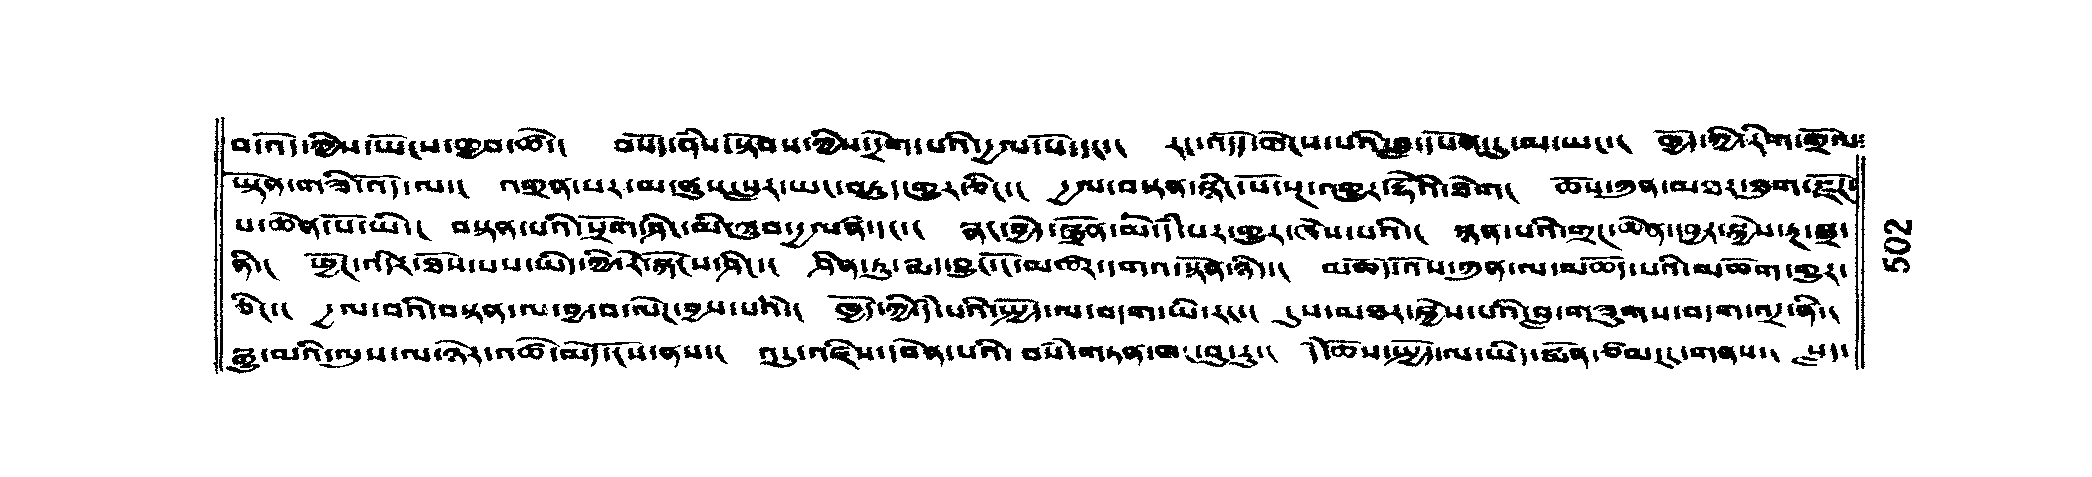བ་འོད་ཀྱིས་ཡོངས་ཁྱབ་ཚེ། །བསོད་ནམས་སྟོབས་ཀྱིས་དྲེགས་པའི་རྒྱལ་པོ་དང་། །རང་འདོད་ཁེངས་པའི་བླ་དཔོན་དུ་མ་ཡང་། །ཁྱོད་ཀྱི་རིག་གྲོལ་
ཡོན་ཏན་གཟི་འོད་ལ། །འགྲན་པར་མ་ནུས་སླར་ཡང་བཏུད་གྱུར་ཅིང་། །རྒྱལ་བསྟན་སྙིང་པོ་སྔ་འགྱུར་རྡོ་རྗེའི་ཐེག །ཆོས་ཀུན་མཐར་ཐུག་རྫོགས་
པ་ཆེན་པོ་ཡི། །བསྟན་པའི་སྲོག་ཤིང་མི་ནུབ་རྒྱལ་མཚན་དང་། །སྣང་བྱེད་སྒྲོན་མེ་དམ་པར་གྱུར་ཞེས་པའི། །སྙན་པའི་གྲགས་ཆེན་དབྱར་སྐྱེས་རྔ་སྒྲ་
ནི། །ཕྱོགས་འདིར་ཐོས་པས་ཡིད་ཀྱི་རེ་སྐོངས་ཤིང་། །ཤིན་ཏུ་སྨད་བྱུང་ངོ་མཚར་དགའ་སྟོན་ཉིད། །མཆོད་འོས་ཀུན་ལ་མཆོད་པའི་མཆོག་གྱུར་
ཅིང་། །རྒྱལ་བའི་བསྟན་ལ་བྱ་བ་ལེགས་བྱས་པའི། །ཁྱོད་ཀྱི་དམ་པའི་སྤྱོད་ལ་བདག་ཡི་རང་། །དུས་མཐར་སྐྱེས་པའི་བླ་གཟུགས་བདག་འདྲ་ནི། །
སྒྱུ་མའི་ལུས་ལ་ཉེར་འཚེ་མེད་ངོས་ནས། །འདུ་འཛིས་དབེན་པའི་བསམ་གཏན་ཁང་བུ་རུ། །དམ་ཆོས་སྤྱོད་ལ་ཡིད་སྨོན་ཙམ་དུ་གནས། །སླད་